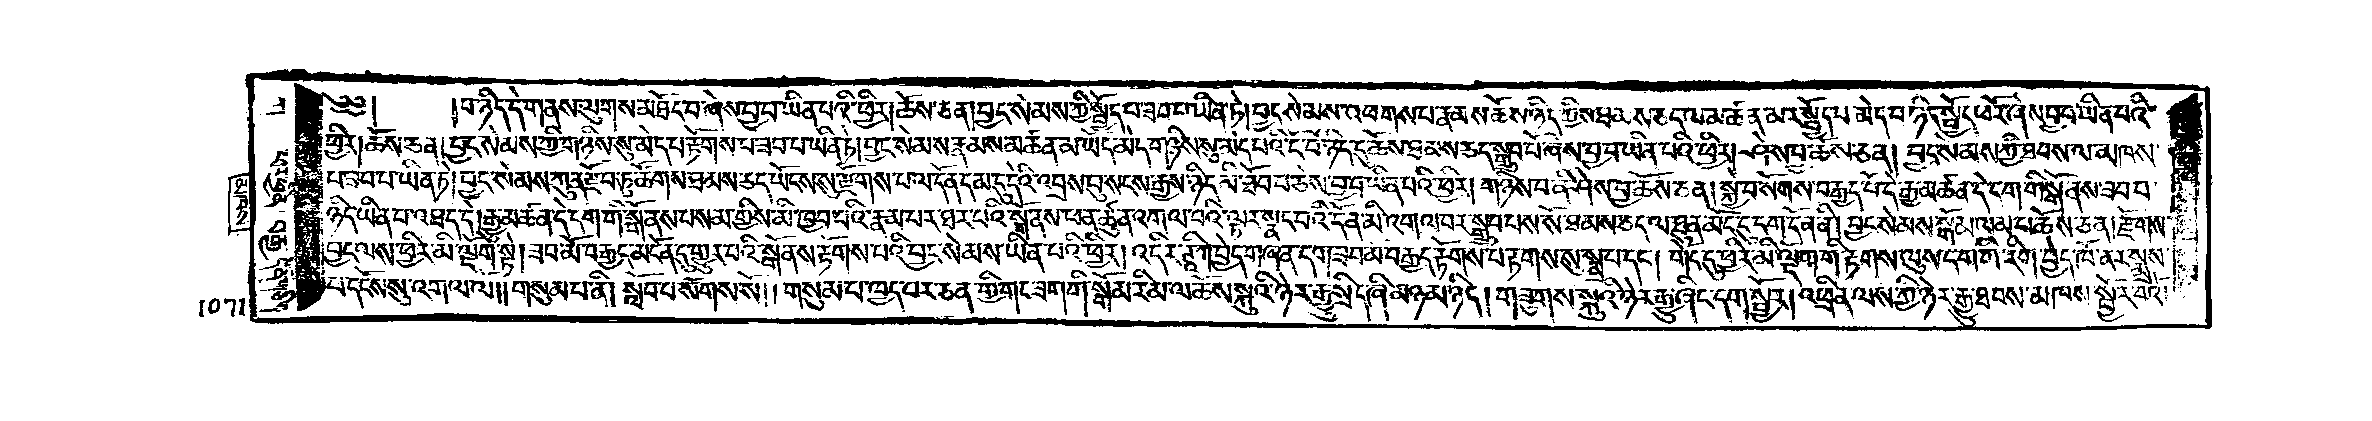༄༅། །པ་ཉིད་དེ་གནས་ལུགས་མཐོང་བ་ཞེས་བྱ་བ་ཡིན་པའི་ཕྱིར། ཆོས་ཅན། བྱང་སེམས་ཀྱི་སྤྱོད་པ་ཟབ་པ་ཡིན་ཏེ། བྱང་སེམས་འཕགས་པ་རྣམས་ཆོས་ཉིད་ཀྱིས་ཐམས་ཅད་ལ་མཚན་མར་སྤྱོད་པ་མེད་པ་ཉིད་སྤྱོད་ཕར་རོ་ཞེས་བྱ་བ་ཡིན་པའི་
ཕྱིར། ཆོས་ཅན། བྱང་སེམས་ཀྱི་གཉིས་སུ་མེད་པ་རྟོགས་པ་ཟབ་པ་ཡིན་ཏེ། བྱང་སེམས་རྣམས་མཚན་མ་ཡོད་མེད་གཉིས་སུ་མེད་པའི་ངོ་བོ་ཉིད་དུ་ཆོས་ཐམས་ཅད་སྒྲུབ་པོ་ཞེས་བྱ་བ་ཡིན་པའི་ཕྱིར། ཤེས་བྱ་ཆོས་ཅན། བྱང་སེམས་ཀྱི་ཐབས་ལ་མཁས་
པ་ཟབ་པ་ཡིན་ཏེ། བྱང་སེམས་ཀུན་རྫོབ་ཏུ་ཚོགས་ཐམས་ཅད་ཡོངས་སུ་རྫོགས་པ་ལ་དོན་དམ་དུ་དེའི་འབྲས་བུ་སངས་རྒྱས་ཉིད་མི་ཐོབ་པ་ཅེས་བྱ་བ་ཡིན་པའི་ཕྱིར། གཉིས་པ་ནི་ཤེས་བྱ་ཆོས་ཅན། སྐྱེ་བ་སོགས་བརྒྱད་པོ་དེ་རྒྱ་མཚན་དེ་དག་གི་སྒོ་ནས་ཟབ་པ་
ཉིད་ཡིན་པ་འཐད་དེ། རྒྱུ་མཚན་དེ་དག་གི་སྒོ་ནས་བསམ་གྱིས་མི་ཁྱབ་པའི་རྣམ་པར་ཐར་པའི་སྒོ་ནས་ཕན་ཚུན་འགལ་བའི་ལྟར་སྣང་བའི་དོན་མི་འགལ་བར་སྒྲུབ་པས་སོ་ཐམས་ཅད་ལ་ཐུན་མོང་དུ་དག་དོན་ནི། བྱང་སེམས་སྒོམ་ལམ་པ་ཆོས་ཅན། རྫོགས་
བྱང་ལས་ཕྱིར་མི་ལྡོག་སྟེ། ཟབ་མོ་བརྒྱད་མངོན་དུ་གྱུར་པའི་སྒོ་ནས་རྟོགས་པའི་བྱང་སེམས་ཡིན་པའི་ཕྱིར། འདིར་ཊཱིཀ་བྱེད་གཞན་དག་ཟབ་མོ་བརྒྱད་རྟོགས་པ་རྟགས་སུ་སྨྲ་བ་དང་། གོང་དུ་ཕྱིར་མི་ལྡོག་གི་རྟགས་ལུས་ངག་གི་རིག་བྱེད་ཁོ་ནར་སྨྲས་
པ་དངོས་སུ་འགལ་ལོ། །གསུམ་པ་ནི། སློབ་པ་སོགས་སོ། །གསུམ་པ་ཁྱད་པར་ཅན་གྱི་གང་ཟག་གི་སྒོམ་རིམ་ལ་ཆོས་སྐུའི་ཉེར་རྒྱུ་སྲིད་ཞི་མཉམ་ཉིད། གཟུགས་སྐུའི་ཉེར་རྒྱུ་ཞིང་དག་སྦྱོར། འཕྲིན་ལས་ཀྱི་ཉེར་རྒྱུ་ཐབས་མཁས་སྦྱོར་བའོ།